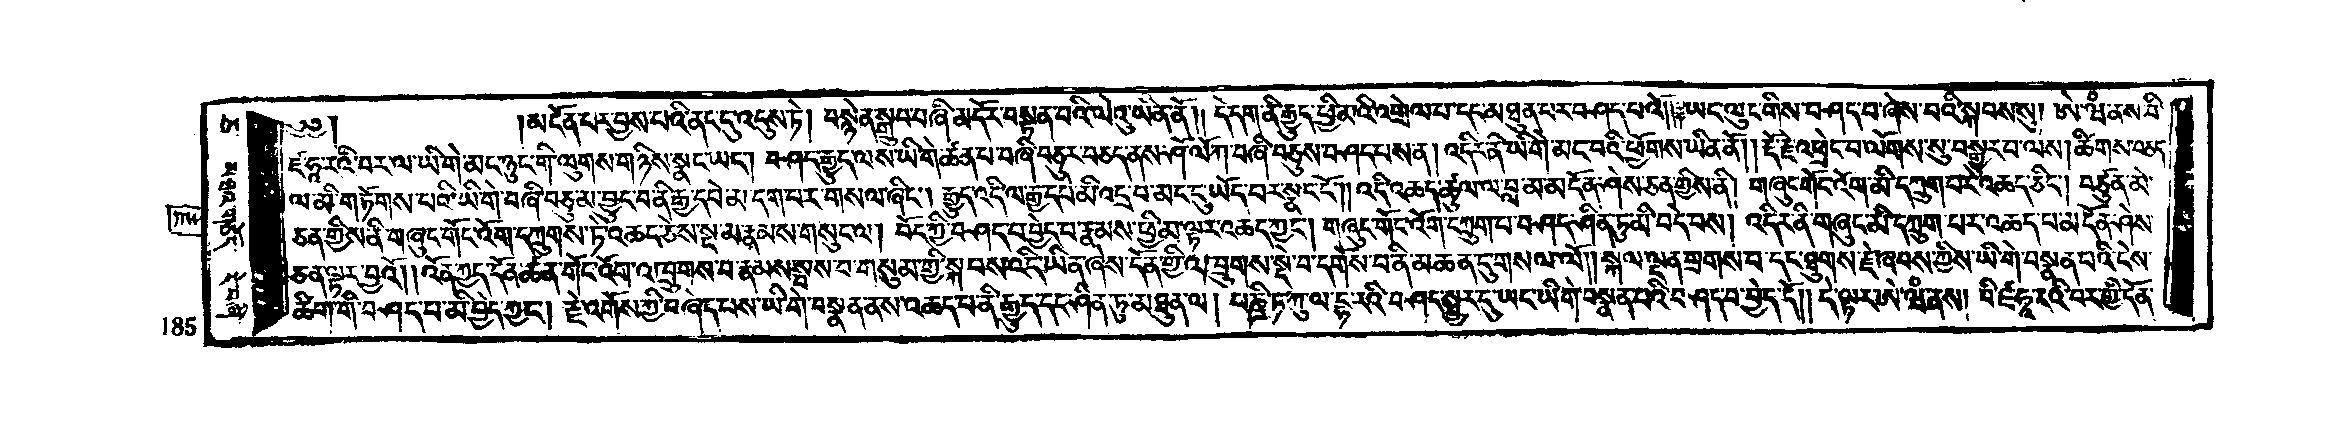༄༅། །མངོན་པར་བྱས་པའི་ནང་དུ་འདུས་ཏེ། བསྙེན་སྒྲུབ་བཞི་མདོར་བསྟན་པའི་ལེའུ་ཡིན་ནོ། །དེ་དག་ནི་རྒྱུད་ཕྱི་མའི་འགྲེལ་པ་དང་མཐུན་པར་བཤད་པའོ།། ༈ ཡང་ལུང་གིས་བཤད་པ་ཞེས་པའི་སྐབས་སུ། ཨེ་ཝཾ་ནས་བི་
ཛ་ཧཱ་རའི་བར་ལ་ཡི་གེ་མང་ཉུང་གི་ལུགས་གཉིས་སྣང་ཡང་། བཤད་རྒྱུད་ལས་ཡི་གེ་ཚན་པ་བཞི་བཅུར་བཅད་ནས་ཤོ་ལོ་ཀ་བཞི་བཅུས་བཤད་པས་ན། འདིར་ནི་ཡི་གེ་མང་བའི་ཕྱོགས་ཡིན་ནོ། །རྡོ་རྗེ་འཕྲེང་བ་ལོགས་སུ་བསྒྱུར་བ་ལས། ཚིགས་བཅད་
ལ་མི་གཏོགས་པའི་ཡི་གེ་བཞི་བཅུ་མ་བྱུང་བ་ནི་རྒྱ་དཔེ་མ་དག་པར་གསལ་ཞིང་། རྒྱུད་འདི་ལ་རྒྱ་དཔེ་མི་འདྲ་བ་མང་དུ་ཡོད་པར་སྣང་ངོ། །འདི་འཆད་ཚུལ་ལ་བླ་མ་མངོན་ཤེས་ཅན་གྱིས་ནི། གཞུང་གོང་འོག་མི་དཀྲུག་པར་འཆད་ཅིང་། བཙུན་མོ་
ཅན་གྱིས་ནི་གཞུང་གོང་འོག་དཀྲུགས་ཏེ་འཆད་ཅེས་སྔ་མ་རྣམས་གསུང་ལ། བོད་ཀྱི་བཤད་པ་བྱེད་པ་རྣམས་ཕྱི་མ་ལྟར་འཆད་ཀྱང་། གཞུང་གོང་འོག་དཀྲུག་པ་བཤད་ཤིན་ཏུ་མི་བདེ་བས། འདིར་ནི་གཞུང་མི་དཀྲུག་པར་འཆད་པ་མངོན་ཤེས་
ཅན་ལྟར་བྱའོ། །འོན་ཀྱང་དོན་ཚན་གོང་འོག་འཁྲུགས་བ་རྣམས་སྦས་པ་གསུམ་གྱི་སྐབས་འདི་ཡིན་ཞེས་དོན་གྱི་འཁྲུགས་སྡེ་བ་དགོས་པ་ནི་མཚན་དུ་གསལ་ལོ། །སྐལ་ལྡན་གྲགས་པ་དང་ཐུགས་རྗེ་ཞབས་ཀྱིས་ཡི་གེ་བསྣན་པའི་ངེས་
ཚིག་གི་བཤད་པ་མི་བྱེད་ཀྱང་། རྗེ་འགོས་ཀྱི་བཞེད་པས་ཡི་གེ་བསྣན་ནས་འཆད་པ་ནི་རྒྱུད་དང་ཤིན་ཏུ་མཐུན་ལ། པཎྜི་ཏ་ཀུ་ལ་དྷ་རའི་བཤད་སྦྱར་དུ་ཡང་ཡི་གེ་བསྣན་པའི་བཤད་པ་བྱེད་དོ། །དེ་ལྟར་ཨེ་ཝཾ་ནས། བི་ཛ་ཧཱ་རའི་བར་གྱི་དོན་